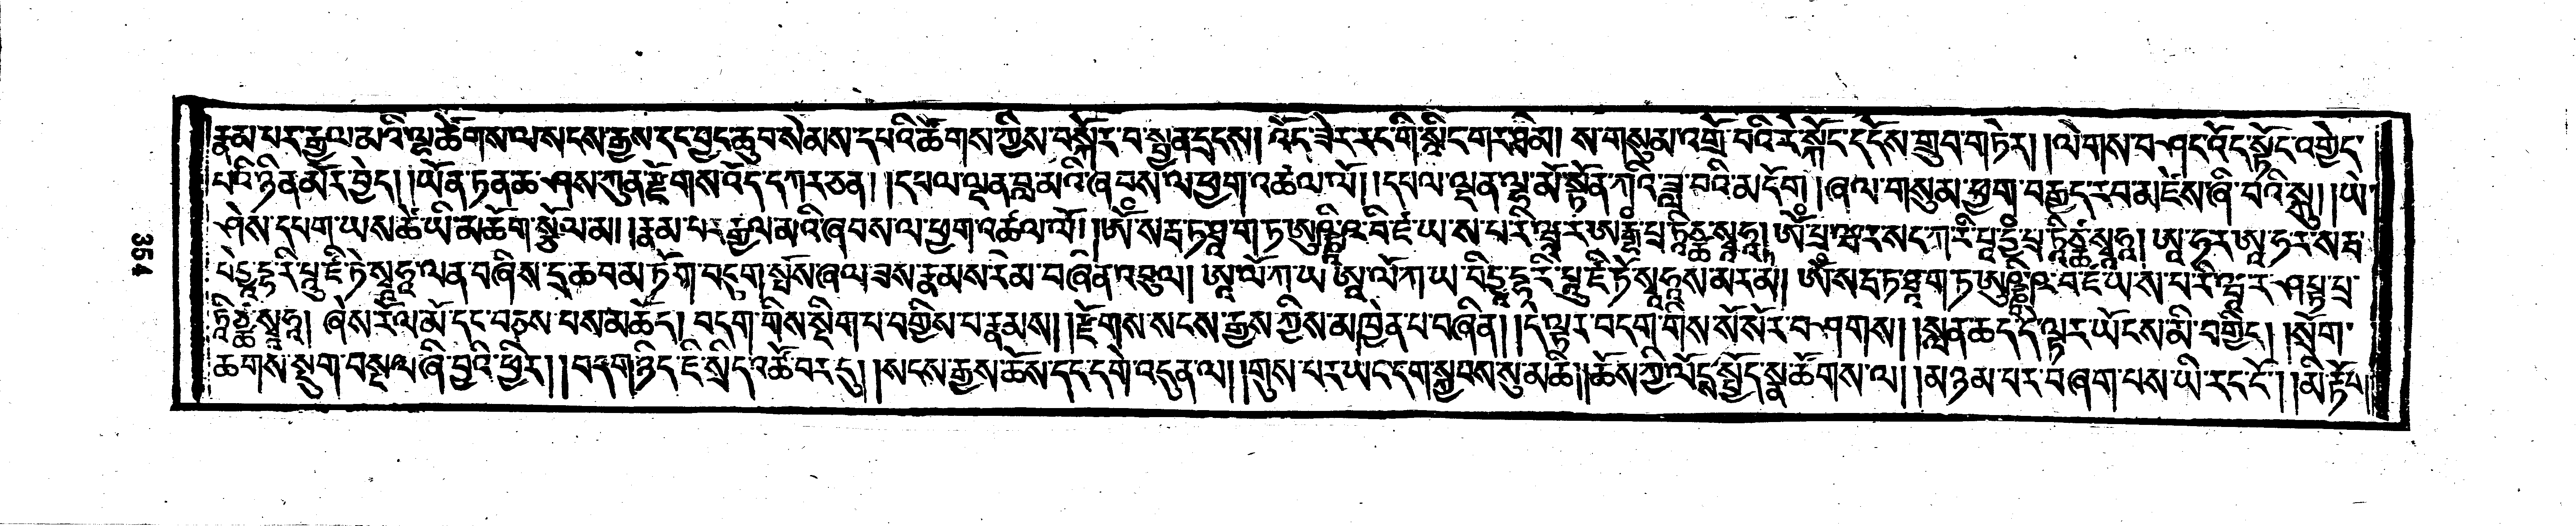རྣམ་པར་རྒྱལ་མའི་ལྷ་ཚོགས་ལ་སངས་རྒྱས་དང་བྱང་ཆུབ་སེམས་དཔའི་ཚོགས་ཀྱིས་བསྐོར་བ་སྤྱན་དྲངས། འོད་ཟེར་རང་གི་སྙིང་གར་ཐིམ། ས་གསུམ་འགྲོ་བའི་རེ་སྐོང་དངོས་གྲུབ་གཏེར། །ལེགས་བཤད་འོད་སྟོང་འགྱེད་
པའི་ཉིན་མོར་བྱེད། །ཡོན་ཏན་ཆ་ཤས་ཀུན་རྫོགས་འོད་དཀར་ཅན། །དཔལ་ལྡན་བླ་མའི་ཞབས་ལ་ཕྱག་འཚལ་ལོ། །དཔལ་ལྡན་ལྷ་མོ་སྟོན་ཀའི་ཟླ་བའི་མདོག །ཞལ་གསུམ་ཕྱག་བརྒྱད་རབ་མཛེས་ཞི་བའི་སྐུ། །ཡེ་
ཤེས་དཔག་ཡས་ཚེ་ཡི་མཆོག་སྩོལ་མ། །རྣམ་པར་རྒྱལ་མའི་ཞབས་ལ་ཕྱག་འཚལ་ལོ། །ཨོཾ་སརྦ་ཏ་ཐཱ་ག་ཏ་ཨུཥྞཱི་ཥ་བི་ཛ་ཡ་ས་པ་རི་ཝཱ་ར་ཨརྒྷཾ་པྲ་ཏཱིཙྪ་སྭཱཧཱ། ཨོཾ་པྲ་ཝ་ར་སད་ཀ་རཾ་པཱ་དྱཾ་པྲ་ཏཱི་ཙྪ་སྭཱཧཱ། ཨཱ་ཧ་ར་ཨཱ་ཧ་ར་སརྦ་
བིདྱཱ་དྷ་རི་པཱུ་ཛི་ཏེ་སྭཱཧཱ་ལན་བཞིས་དྲི་ཆབ་མེ་ཏོག་བདུག་སྤོས་ཞལ་ཟས་རྣམས་རིམ་བཞིན་འབུལ། ཨཱ་ལོ་ཀ་ཡ་ཨཱ་ལོ་ཀ་ཡ་བིདྱཱ་དྷ་རི་པཱུ་ཛི་ཏེ་སྭཱཧཱ་ས་མར་མེ། ཨོཾ་སརྦ་ཏ་ཐཱ་ག་ཏ་ཨུཥྞཱི་ཥ་བི་ཛ་ཡ་ས་པ་རི་ཝཱ་ར་ཤཔྟ་པྲ་
ཏཱིཙྪ་སྭཱཧཱ། ཞེས་རོལ་མོ་དང་བཅས་པས་མཆོད། བདག་གིས་སྡིག་པ་བགྱིས་པ་རྣམས། །རྫོགས་སངས་རྒྱས་ཀྱིས་མཁྱེན་པ་བཞིན། །དེ་ལྟར་བདག་གིས་སོ་སོར་བཤགས། །སླན་ཆད་དེ་ལྟར་ཡོངས་མི་བགྱིད། །སྲོག་
ཆགས་སྡུག་བསྔལ་ཞི་བྱའི་ཕྱིར། །བདག་ཉིད་ཇི་སྲིད་འཚོ་བར་དུ། །སངས་རྒྱས་ཆོས་དང་དགེ་འདུན་ལ། །གུས་པར་ཡང་དག་སྐྱབས་སུ་མཆི། །ཆོས་ཀྱི་ལོངས་སྤྱོད་སྣ་ཚོགས་ལ། །མཉམ་པར་བཞག་པས་ཡི་རང་ངོ། །མི་རྟོག་